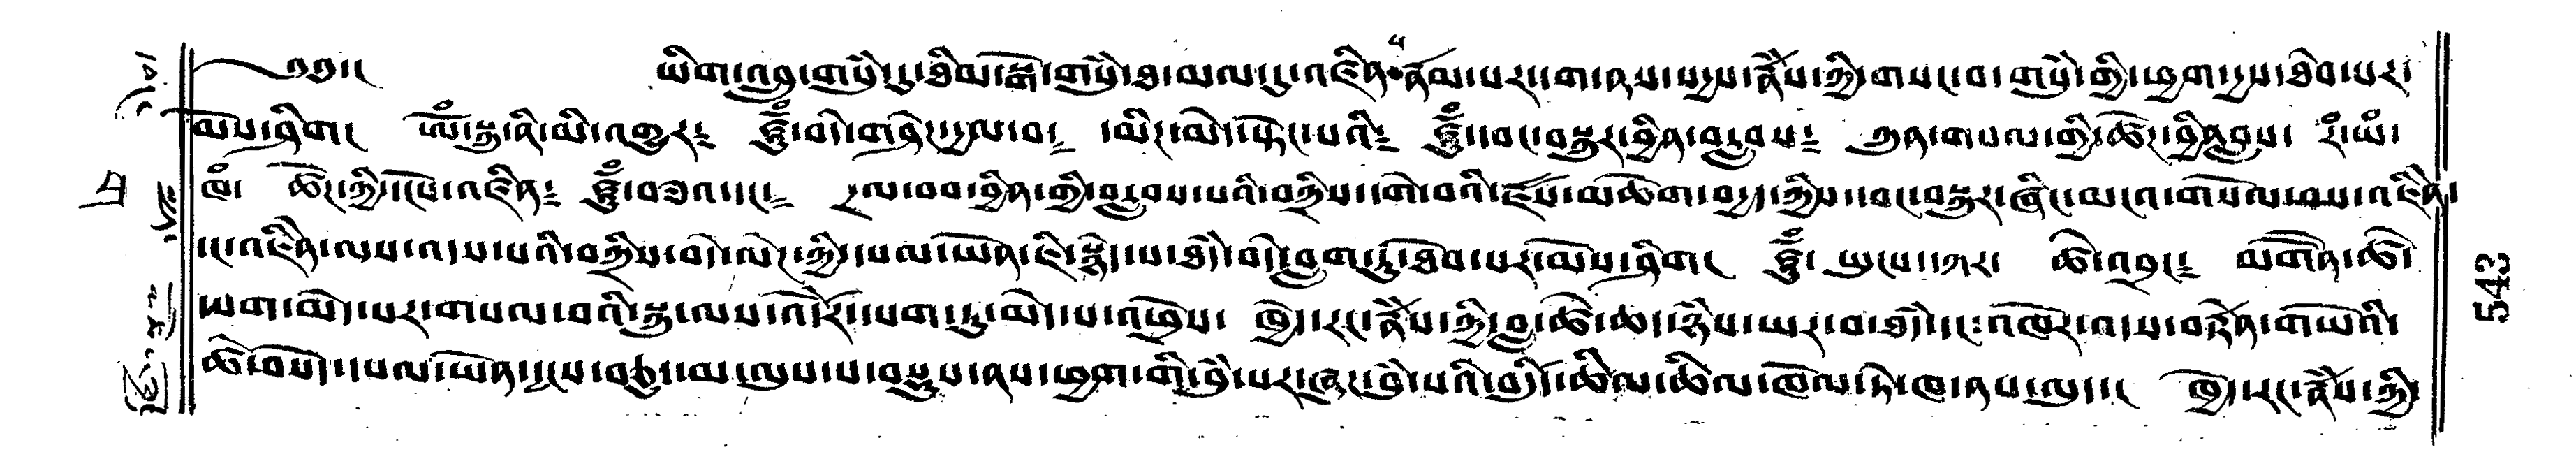ཡིག་འབྲུ་གསུམ་དུཐིམ་སྒོ་གསུམ་ཐ་མལ་དུ་འཛིན་པ་རྣམ་པར་དག་ནས་སངས་རྒྱས་རྣམས་ཀྱི་གསང་བ་གསུམ་གྱི་ཕྱག་རྒྱས་ཐེབས་པར་
མོས་ཤིག ཨོཾ་སྐུ་ནི་མི་འགྱུར༴ ཧཱུྃ་བདེ་ཤེགས་རྒྱལ་བ༴ དམིགས་མེད་སྟོང་པའི༴ ཧཱུྃ་དབང་བསྐུར་བྱིན་བརླབས༴ ཀུན་གསལ་གྱི་ཚོགས་བྱིན་རླབས། རཾ་ཡཾ་
ཁཾ། ཚོགས་ཀྱི་དངོས་འཛིན༴ ཧཱུྃ་བཟའ་དང༴ དྲལ་བབ་བྱིན་གྱིས་བརླབས་པའི་བཀྲ་ཤིས་དགེ་བའི་རྫས་མཆོག་བརྒྱད་ཀྱིས་དབང་བསྐུར་ཞིང་མངའ་གསོལ་བས་འཇིག་རྟེན་
དང་འཇིག་རྟེན་ལས་འདས་པའི་བཀྲ་ཤིས་བདེ་ལེགས་ཀྱི་དཔལ་ཡོན་ཇི་སྙེད་པ་ཐམས་ཅད་བདེ་བླག་ཏུ་ཐོབ་པར་མོས་ཤིག ཧཱུྃ། ཡུངས་དཀར༴ ཚེ་འབྲང༴མགོན་པོ་ཚེ་
དཔག་མེད་པར་གསལ་བའི་སྐུ་ལས་འོད་ཟེར་དཔག་ཏུ་མེད་པ་འཕྲོས། ཁྱེད་རང་རྣམས་ཀྱི་བླ་ཚེ་ཆད་ཉམས་ཡར་བ་ཐམས་ཅད་དང་འཁོར་འདས་བརྟན་གཡོའི་
ཚེ་བསོད་དཔལ་ཡོན་དྭངས་བཅུད་མ་ལུས་པ་བསྡུས་ནས་ཕྱག་གི་བུམ་པར་ཞུགས་བུམ་པའི་བདུད་རྩིད་ཆིལ་ཆིལ་ཁོལ་ཏེ་ཁ་ནས་ལུད། ཁྱེད་རང་རྣམས་ཀྱི་